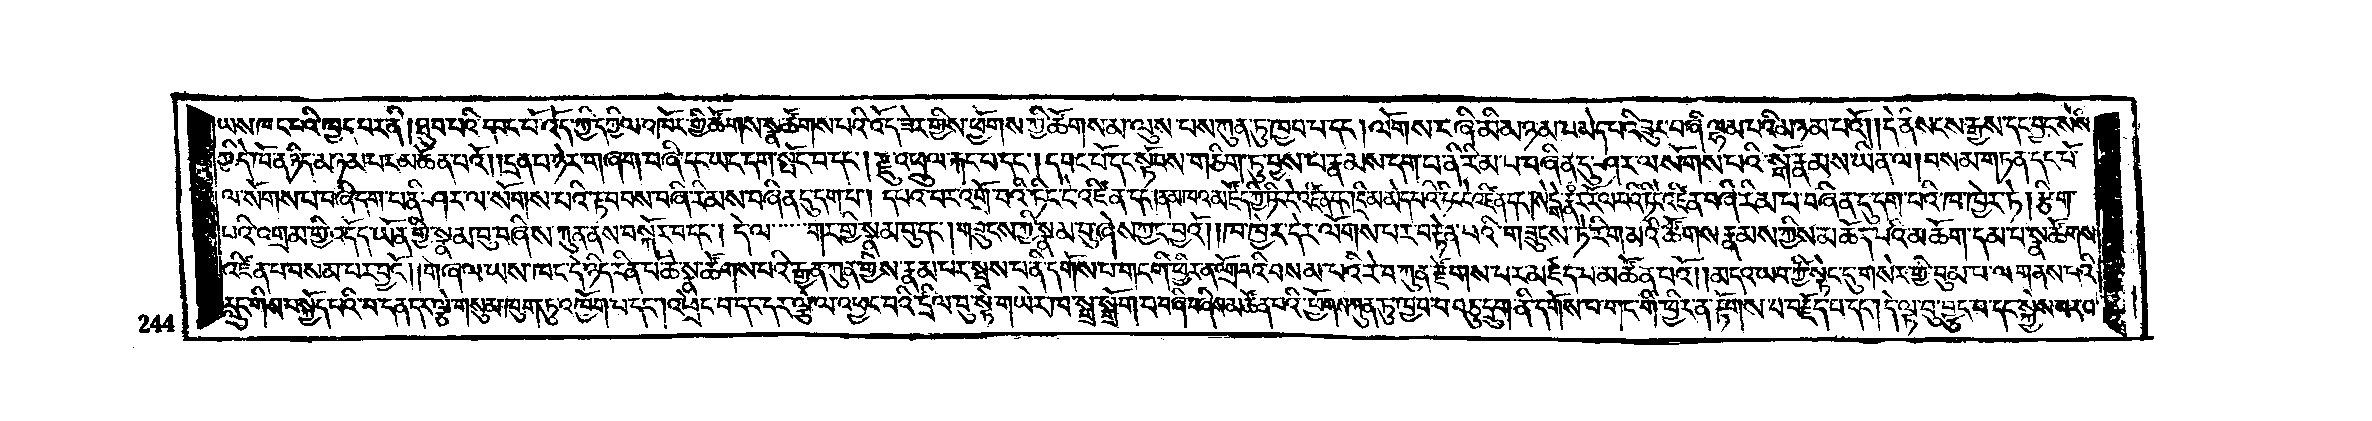ཡས་ཁང་པའི་ཁྱད་པར་ནི། ཐུབ་པའི་དབང་པོ་འོད་ཀྱི་དཀྱིལ་འཁོར་གྱི་ཚོགས་སྣ་ཚོགས་པའི་འོད་ཟེར་གྱིས་ཕྱོགས་ཀྱི་ཚོགས་མ་ལུས་པས་ཀུན་ཏུ་ཁྱབ་པ་དང་། ལོགས་བཞི་མི་མཉམ་པ་མེད་པའི་ཟུང་བཞི་ལྷམ་པའི་མཉམ་པའོ། །དེ་ནི་སངས་རྒྱས་དང་བྱང་སེམས་
ཀྱི་དེ་ཁོ་ན་ཉིད་མཉམ་པར་མཚན་པའོ། །དྲན་པ་ཉེར་གཞག་བཞི་དང་ཡང་དག་སྤོང་བ་དང་། རྫུ་འཕྲུལ་རྐང་པ་དང་། དབང་པོ་དང་སྟོབས་གཅིག་ཏུ་བྱས་པ་རྣམས་དག་པ་ནི་རིམ་པ་བཞིན་དུ་ཤར་ལ་སོགས་པའི་སྒོ་རྣམས་ཡིན་ལ། བསམ་གཏན་དང་པོ་
ལ་སོགས་པ་བཞི་དག་པ་ནི་ཤར་ལ་སོགས་པའི་རྟ་བབས་བཞི་རིམས་བཞིན་དུ་དག་པ། དཔའ་བར་འགྲོ་བའི་ཏིང་ངེ་འཛིན་དང་། ནམ་མཁའ་མཛོད་ཀྱི་ཏིང་ངེ་འཛིན་དང་། དྲི་མ་མེད་པའི་ཏིང་ངེ་འཛིན་དང་། སེངགེ་རྣམ་མར?་རོལ་པའི་ཏིང་ངེ་འཛིན་བཞི་རིམ་པ་བཞིན་དུ་དག་པའི་ཁ་ཁྱེར་ཏེ། རྩིག་
པའི་འགྲམ་གྱི་འདོད་ཡོན་གྱི་སྣམ་བུ་བཞིས་ཀུན་ནས་བསྐོར་བ་དང་། དེ་ལ་གར་གྱི་སྣམ་བུ་དང་། གཟུངས་ཀྱི་སྣམ་བུ་ཞེས་ཀྱང་བྱའོ། །ཁ་ཁྱེར་དེར་ལོགས་པར་བརྟེན་པའི་གཟུངས་ཏེ་རིག་མའི་ཚོགས་རྣམས་ཀྱིས་མཆོད་པའི་མཆོག་དམ་པ་སྣ་ཚོགས་
འཛིན་པ་བསམ་པར་བྱའོ། །གཞལ་ཡས་ཁང་དེ་ཉིད་རིན་པོ་ཆེ་སྣ་ཚོགས་པའི་རྒྱན་ཀུན་གྱིས་རྣམ་པར་སྤྲས་པ་ནི་དགོས་པ་གང་གི་ཕྱིར་ན་འགྲོ་བའི་བསམ་པའི་རེ་བ་ཀུན་རྫོགས་པར་མཛད་པ་མཚོན་པའོ། །མདའ་ཡབ་ཀྱི་སྟེང་དུ་གསེར་གྱི་བུམ་པ་ལ་གནས་པའི་
རླུང་གིས་བསྐྱོད་པའི་བ་དན་དར་ལྕེ་གསུམ་ཁུག་ཏུ་འཁྱོག་པ་དང་། འཕྲེང་བ་དང་དར་ལྕེལ་འཕྱང་བའི་དྲིལ་བུ་སྟེ་གཡེར་ཁ་སྒྲ་སྒྲོག་པ་བཞི་བཞིས་མཚོན་པའི་ཕྱོགས་ཀུན་ཏུ་ཁྱབ་པ་བཅུ་དྲུག་ནི་དགོས་པ་གང་གི་ཕྱིར་ན་རྟོགས་པ་བརྗོད་པ་དང་། དེ་ལྟ་བུ་བྱུང་བ་དང་སྐྱེས་པར་བ་